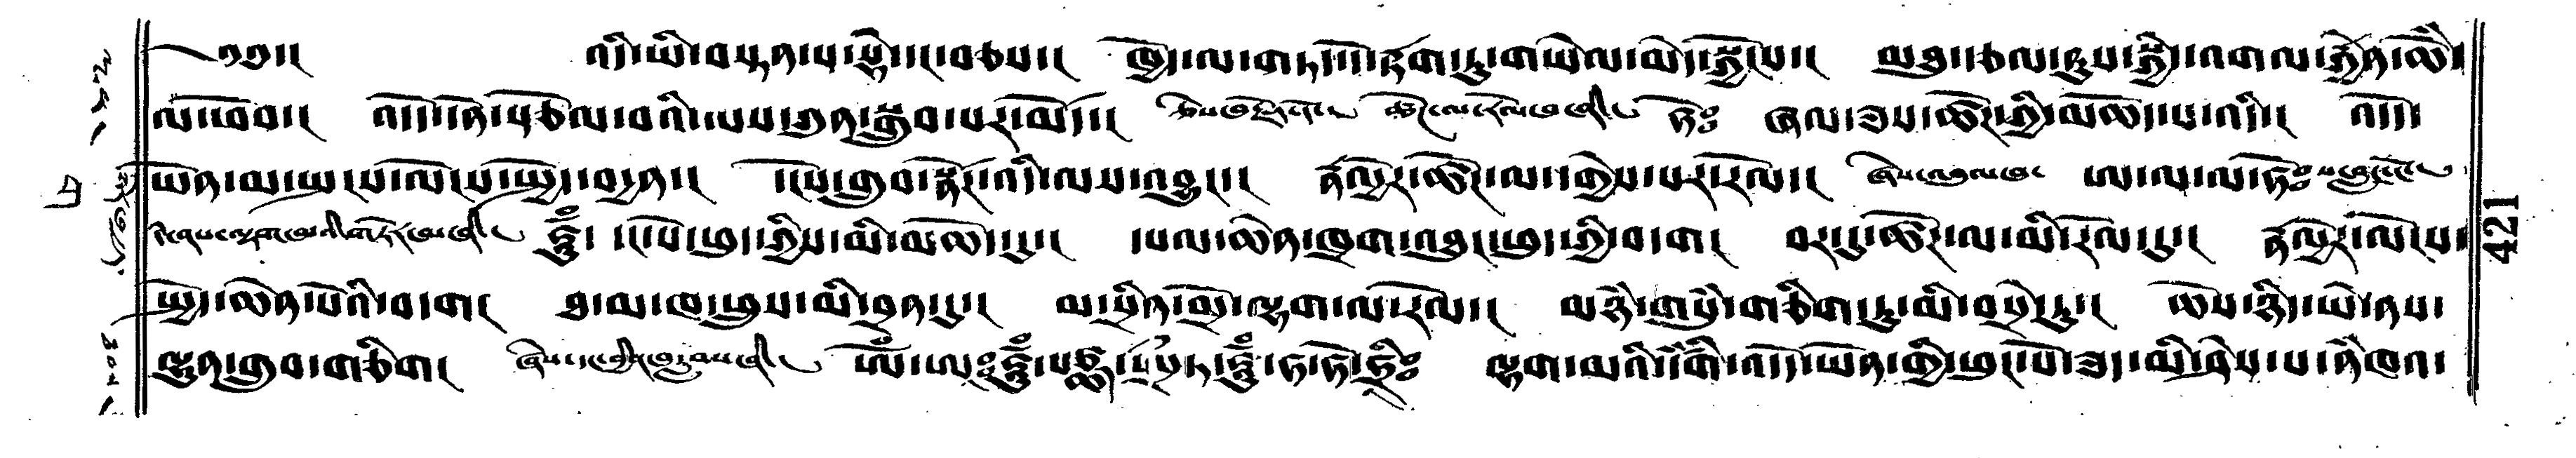འདི་ཡི་བསྟན་པ་སྡེ་དང་བཅས། ཁྱོད་ལ་གཏད་དོ་རྟག་ཏུ་གཡེལ་མེད་སྐྱོངས། །མཐུ་རྩལ་ནུས་སྐྱེད་འགལ་རྐྱེན་ཆམ་
ལ་ཕོབས། འདོད་དོན་སྩོལབའི་ལས་ཀུན་སྒྲུབ་པར་མཛོད། ། ཅེས་བརྗོད་དོ། ཚོགས་ལ་རོལ་བ་ནི། ཧོཿ ཞལ་ཟས་ཚོགས་ཀྱི་མཆོད་པ་འདི། །འདོད་
ཡོན་མ་སྤངས་ལོངས་སྤྱོད་བརྒྱན། །དངོས་གྲུབ་སྣ་ཚོགས་འདི་ལས་འབྱུང་། །རྣལ་འབྱོར་ཚོགས་ལ་དགྱེས་པར་རོལ། ། ཞེས་འབུལ་ལ། ཨ་ལ་ལ་ཧོཿ ས་བླང་ངོ། །
དེ་ནས་ལྷག་མའི་གཏོར་མ་ནི། ཧཱུྃ། དང་པོ་ཕུད་ཀྱིས་མི་མཆོད་རྒྱུ། །དཔལ་ཆེན་ཁྲག་འཐུང་ཕུད་ཀྱི་བདག །བར་དུ་ཚོགས་ལ་མི་རོལ་རྒྱུ། །རྣལ་འབྱོར་ལོངས་
སྤྱོད་ཆེན་པོའི་བདག །ཐ་མ་ཁ་ཕྲུས་མི་བྲན་རྒྱུ། །མ་སྲིན་མཁའ་འགྲོ་ལྷག་ལ་རོལ། །མཉམ་གསུམ་གཅིག་ཏུ་མི་བསྲེ་རྒྱུ། ཆོས་ཉིད་ཡེ་ནས་
ལྷུན་གྲུབ་གཅིག ། ཞེས་དང་བྱིན་རླབས་ནི། ཨོཾ་ཨཱཿཧཱུྃ་པཉྫ་ཨ་མྲི་ཏ་ཧཱུྃ་ཧ་ཧོ་ཧྲཱིཿ ལྷག་མའི་དམ་ཚིག་འདོད་ཡོན་གྱི་ཕུང་པོ་ཟད་མི་ཤེས་པ་ནམ་མཁའ་